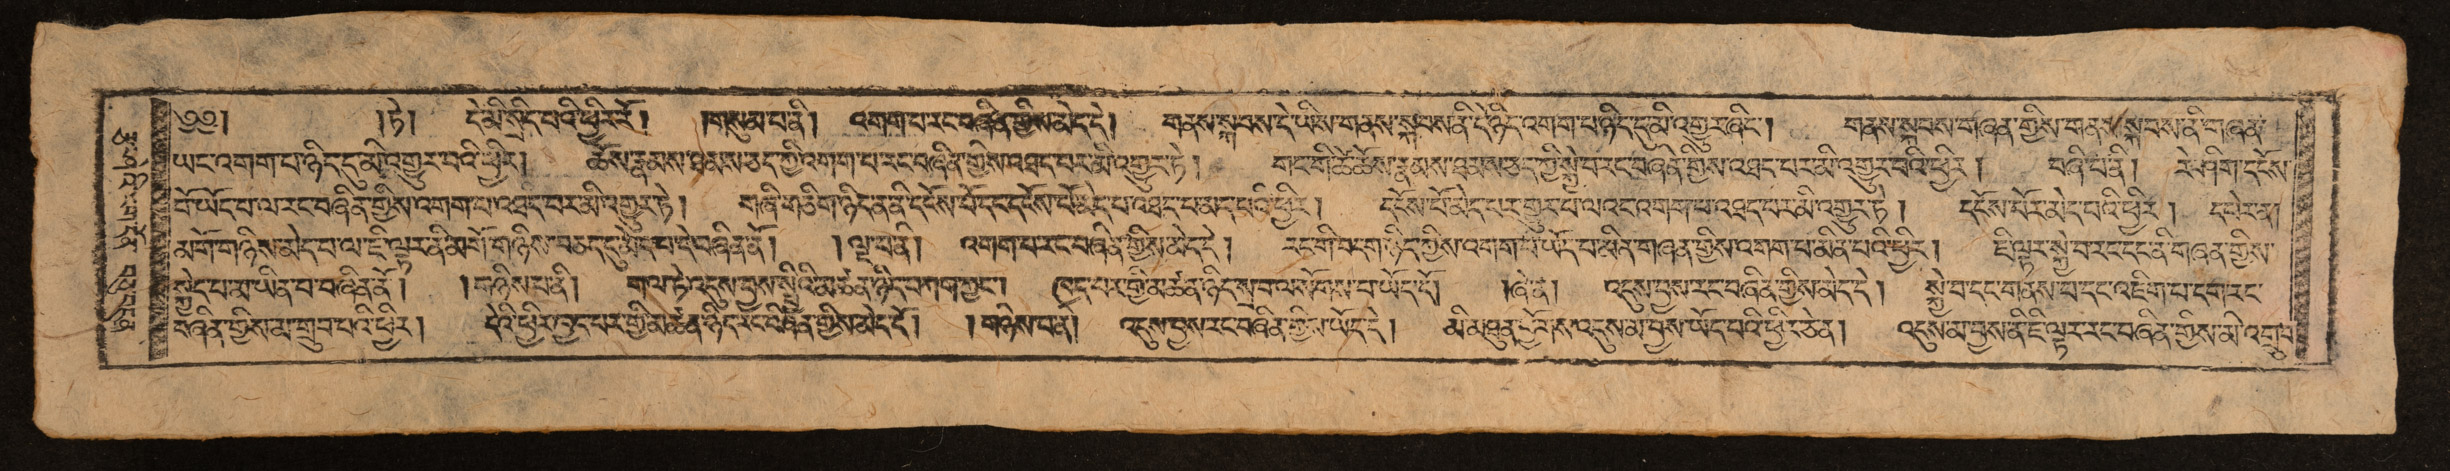༄༅། །ཏེ། དེ་མི་སྲིད་པའི་ཕྱིར་རོ། །གསུམ་པ་ནི། འགག་པ་རང་བཞིན་གྱིས་མེད་དེ། གནས་སྐབས་དེ་ཡིས་གནས་སྐབས་ནི་དེ་ཉིད་འགག་པ་ཉིད་དུ་མི་འགྱུར་ཞིང་། གནས་སྐབས་གཞན་གྱིས་གནས་སྐབས་ནི་གཞན་
ཡང་འགག་པ་ཉིད་དུ་མི་འགྱུར་བའི་ཕྱིར། ཆོས་རྣམས་ཐམས་ཅད་ཀྱི་འགག་པ་རང་བཞིན་གྱིས་འཐད་པར་མི་འགྱུར་ཏེ། གང་གི་ཚེ་ཆོས་རྣམས་ཐམས་ཅད་ཀྱི་སྐྱེ་བ་རང་བཞིན་གྱིས་འཐང་པར་མི་འགྱུར་བའི་ཕྱིར། བཞི་པ་ནི། རེ་ཤིག་དངོས་
པོ་ཡོད་པ་ལ་རང་བཞིན་གྱིས་འགག་པ་འཐད་པར་མི་འགྱུར་ཏེ། གཞི་གཅིག་ཉིད་ན་ནི་དངོས་པོ་དང་དངོས་པོ་མེད་པ་འཐད་པ་མེད་པའི་ཕྱིར། དངོས་པོ་མེད་པར་གྱུར་པ་ལའང་འགག་པ་འཐད་པར་མི་འགྱུར་ཏེ། དངོས་པོར་མེད་པའི་ཕྱིར། དཔེར་ན།
མགོ་གཉིས་མེད་པ་ལ་ཇི་ལྟར་ནི་མགོ་གཉིས་བཅད་དུ་མེད་པ་དེ་བཞིན་ནོ། །ལྔ་པ་ནི། འགག་པ་རང་བཞིན་གྱིས་མེད་དེ། རང་གི་བདག་ཉིད་ཀྱིས་འགག་པ་ཡོད་པ་མིན་གཞན་གྱིས་འགག་པ་མིན་པའི་ཕྱིར། ཇི་ལྟར་སྐྱེ་བ་རང་དང་ནི་གཞན་གྱིས་
སྐྱེད་པ་མ་ཡིན་པ་བཞིན་ནོ། །གཉིས་པ་ནི། གལ་ཏེ་འདུས་བྱས་སྤྱིའི་མཚན་ཉིད་བཀག་ཀྱང་། ཁྱད་པར་གྱི་མཚན་ཉིད་སྲ་བ་ལ་སོགས་པ་ཡོད་དོ། །ཞེ་ན། འདུས་བྱས་རང་བཞིན་གྱིས་མེད་དེ། སྐྱེ་བ་དང་གནས་པ་དང་འཇིག་པ་དག་རང་
བཞིན་གྱིས་མ་གྲུབ་པའི་ཕྱིར། དེའི་ཕྱིར་ཁྱད་པར་གྱི་མཚན་ཉིད་རང་བཞིན་གྱིས་མེད་དོ། །གཉིས་པ་ནི། འདུས་བྱས་རང་བཞིན་གྱིས་ཡོད་དེ། མི་མཐུན་ཕྱོགས་འདུས་མ་བྱས་ཡོད་པའི་ཕྱིར་ཅེ་ན། འདུས་མ་བྱས་ནི་ཇི་ལྟར་རང་བཞིན་གྱིས་མི་འགྲུབ་